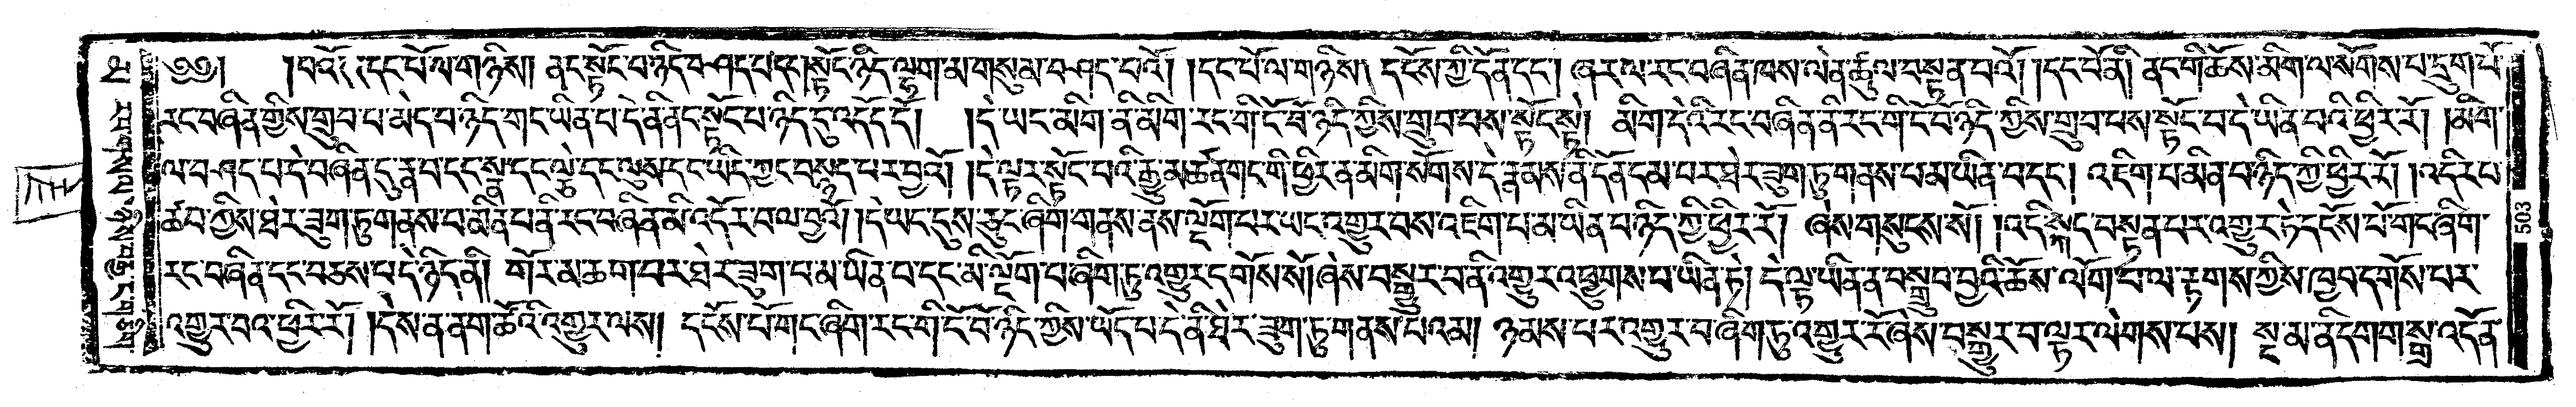༄༅། །པའོ༑ ༑དང་པོ་ལ་གཉིས། ནང་སྟོང་པ་ཉིད་བཤད་པ་དང་། སྟོང་ཉིད་ལྷག་མ་གསུམ་བཤད་པའོ། །དང་པོ་ལ་གཉིས། དངོས་ཀྱི་དོན་དང་། ཞར་ལ་རང་བཞིན་ཁས་ལེན་ཚུལ་བསྟན་པའོ། །དང་པོ་ནི། ནང་གི་ཆོས་མིག་ལ་སོགས་པ་དྲུག་པོ།
རང་བཞིན་གྱིས་གྲུབ་པ་མེད་པ་ཉིད་གང་ཡིན་པ་དེ་ནི་ནང་སྟོང་པ་ཉིད་དུ་འདོད་དོ། །དེ་ཡང་མིག་ནི་མིག་རང་གི་ངོ་བོ་ཉིད་ཀྱིས་གྲུབ་པས་སྟོང་སྟེ། མིག་དེའི་རང་བཞིན་ནི་རང་གི་ངོ་བོ་ཉིད་ཀྱིས་གྲུབ་པས་སྟོང་པ་དེ་ཡིན་པའི་ཕྱིར་རོ། །མིག་
ལ་བཤད་པ་དེ་བཞིན་དུ་རྣ་བ་དང་སྣ་དང་ལྕེ་དང་ལུས་དང་ཡིད་ཀྱང་བསྙད་པར་བྱའོ། །དེ་ལྟར་སྟོང་པའི་རྒྱུ་མཚན་གང་གི་ཕྱིར་ན་མིག་སོགས་དེ་རྣམས་ནི་དོན་དམ་པར་ཐེར་ཟུག་ཏུ་གནས་པ་མ་ཡིན་པ་དང་། འཇིག་པ་མིན་པ་ཉིད་ཀྱི་ཕྱིར་རོ། །འདིར་པ་
ཚབ་ཀྱིས་ཐེར་ཟུག་ཏུ་གནས་པ་མིན་པ་ནི་རང་བཞིན་མི་འདོར་བ་ལ་བྱའོ། །དེ་ཡང་དུས་ཅུང་ཞིག་གནས་ནས་ལྡོག་པར་ཡང་འགྱུར་བས་འཇིག་པ་མ་ཡིན་པ་ཉིད་ཀྱི་ཕྱིར་རོ། ཞེས་གསུངས་སོ། །འདི་སྐད་བསྟན་པར་འགྱུར་ཏེ་དངོས་པོ་གང་ཞིག་
རང་བཞིན་དང་བཅས་པ་དེ་ཉིད་ནི། གོར་མ་ཆག་པར་ཐེར་ཟུག་པ་མ་ཡིན་པ་དང་མི་ལྡོག་པ་ཞིག་ཏུ་འགྱུར་དགོས་སོ། ཞེས་བསྒྱུར་བ་ནི་འགྱུར་འཕྱུགས་པ་ཡིན་ཏེ། དེ་ལྟ་ཡིན་ན་བསྒྲུབ་བྱའི་ཆོས་ལོག་པ་ལ་རྟགས་ཀྱིས་ཁྱབ་དགོས་པར་
འགྱུར་བའི་ཕྱིར་རོ། །དེས་ན་ནག་ཚོའི་འགྱུར་ལས། དངོས་པོ་གང་ཞིག་རང་གི་ངོ་བོ་ཉིད་ཀྱིས་ཡོད་པ་དེ་ནི་ཐེར་ཟུག་ཏུ་གནས་པའམ། ཉམས་པར་འགྱུར་བ་ཞིག་ཏུ་འགྱུར་རོ་ཞེས་བསྒྱུར་བ་ལྟར་ལེགས་པས། སྔ་མ་ནི་དགག་སྒྲ་འདོན་